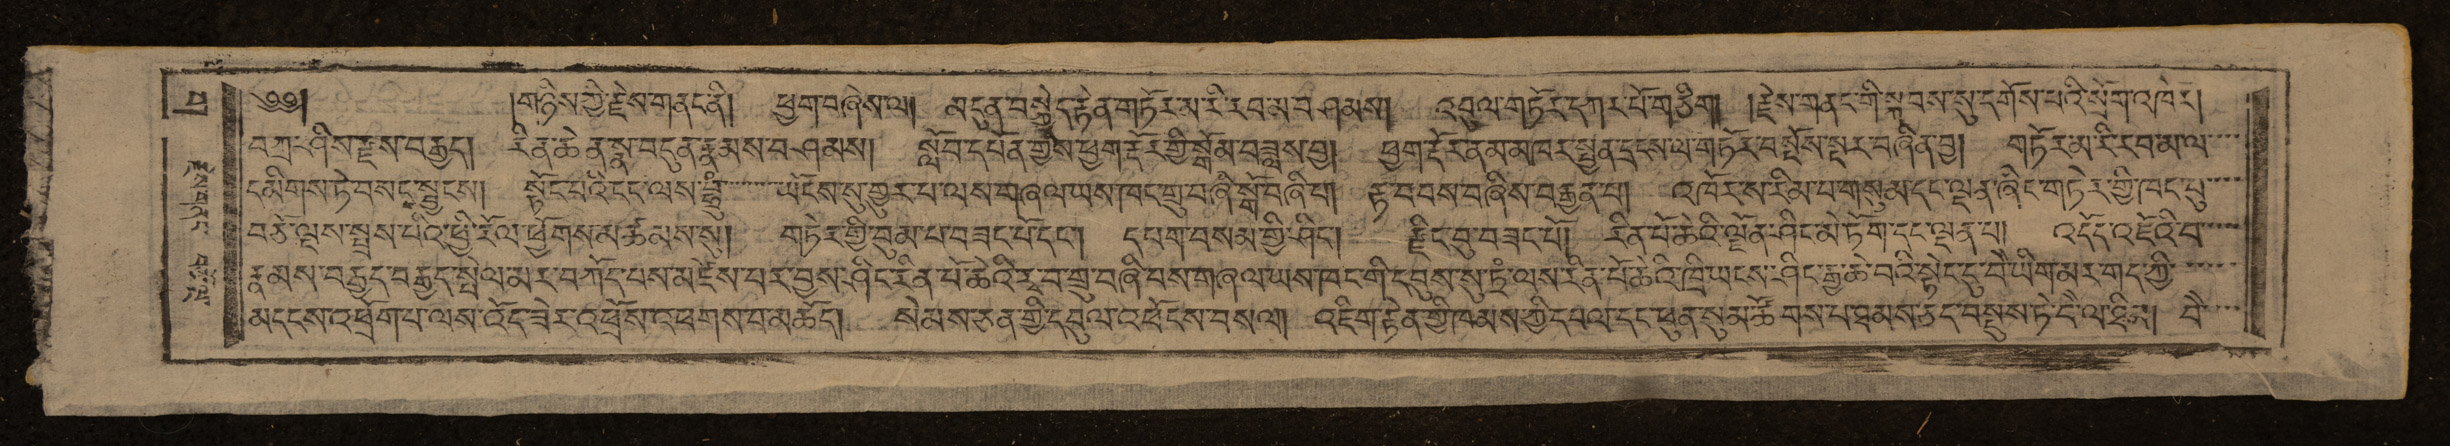༄༅། །གཉིས་ཀྱི་རྗེས་གནང་ནི། ཕྱག་བཞེས་ལ། མདུན་བསྐྱེད་རྟེན་གཏོར་མ་རི་རབ་མ་བཤམས། འབུལ་གཏོར་དཀར་པོ་གཅིག། །རྗེས་གནང་གི་སྐབས་སུ་དགོས་པའི་སྲོག་འཁོར།
བཀྲ་ཤིས་རྫས་བརྒྱད། རིན་ཆེན་སྣ་བདུན་རྣམས་བཤམས། སློབ་དཔོན་གྱིས་ཕྱག་རྡོར་གྱི་སྒོམ་བཟླས་བྱ། ཕྱག་རྡོར་ནམ་མཁར་སྤྱན་དྲངས་ལ་གཏོར་བསྔོས་སྔར་བཞིན་བྱ། གཏོར་མ་རི་རབ་མ་ལ་
དམིགས་ཏེ་བསངས་སྦྱངས། སྟོང་པའི་ངང་ལས་བྷྲུཾ་ཡོངས་སུ་གྱུར་པ་ལས་གཞལ་ཡས་ཁང་གྲུ་བཞི་སྒོ་བཞི་པ། རྟ་བབས་བཞིས་བརྒྱན་པ། འཁོར་ས་རིམ་པ་གསུམ་དང་ལྡན་ཞིང་གཏེར་གྱི་ཁང་པུ་
བཅོ་ལྔས་སྤྲས་པའི་ཕྱི་རོལ་ཕྱོགས་མཚམས་སུ། གཏེར་གྱི་བུམ་པ་བཟང་པོ་དང་། དཔག་བསམ་གྱི་ཤིང་། རྫིང་བུ་བཟང་པོ། རིན་པོ་ཆེའི་ལྗོན་ཤིང་མེ་ཏོག་དང་ལྡན་པ། འདོད་འཇོའི་བ་
རྣམས་བརྒྱད་བརྒྱད་སྤེལ་མར་བཀོད་པས་མཛེས་པར་བྱས་ཤིང་རིན་པོ་ཆེའི་རྭ་བ་གྲུ་བཞི་པས་གཞལ་ཡས་ཁང་གི་དབུས་སུ་ཏྲཾ་ལས་རིན་པོ་ཆེའི་ཁྲི་ཡངས་ཤིང་རྒྱ་ཆེ་བའི་སྟེང་དུ་བཻ་ཡིག་མར་གད་ཀྱི་
མདངས་འཕྲོག་པ་ལས་འོད་ཟེར་འཕྲོས་འཕགས་པ་མཆོད། སེམས་ཅན་གྱི་དབུལ་འཕོངས་བསལ། འཇིག་རྟེན་གྱི་ཁམས་ཀྱི་དཔལ་དང་ཕུན་སུམ་ཚོགས་པ་ཐམས་ཅད་བསྡུས་ཏེ་བཻ་ལ་ཐིམ། བཻ་